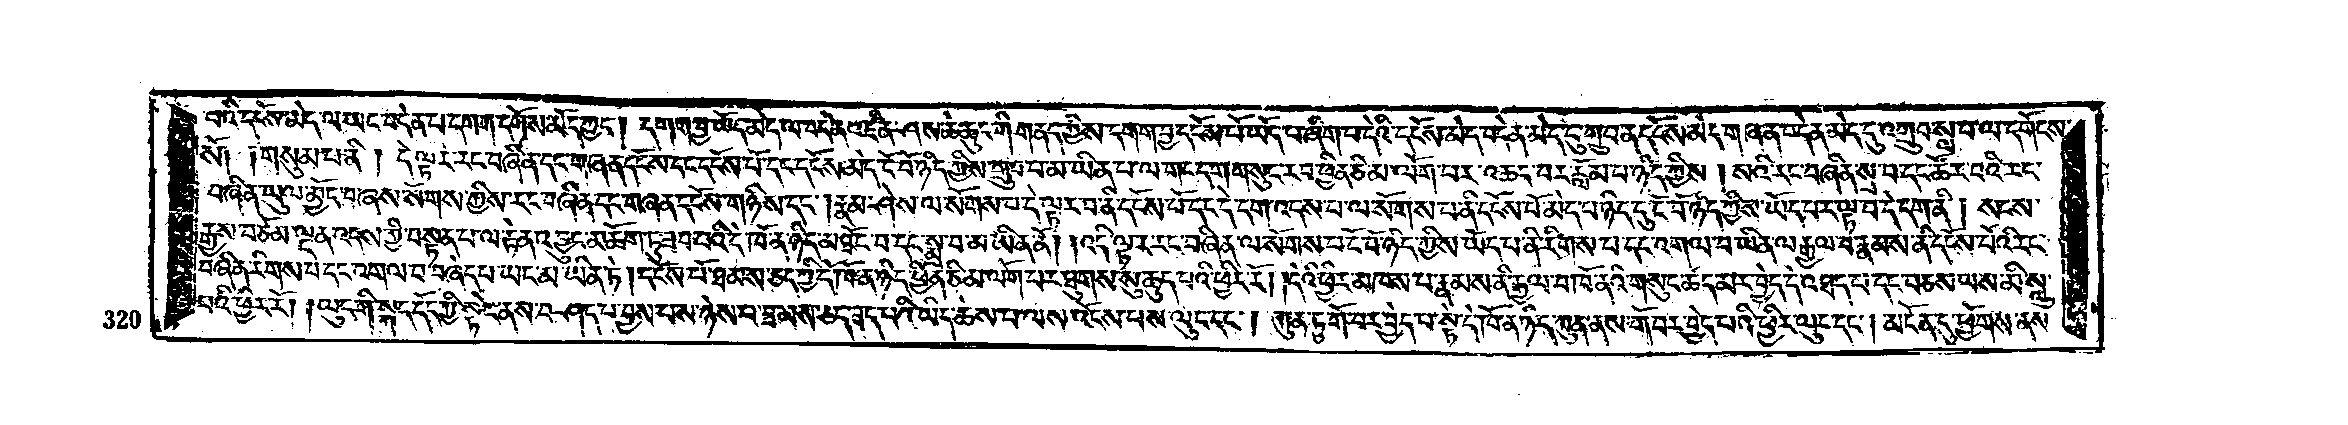པའི་དངོས་མེད་ལ་ཡང་བདེན་པ་དགག་དགོས་མོད་ཀྱང་། དགག་བྱ་ཡོད་མེད་ལ་བདེན་འཛིན་ཤས་ཆེ་ཆུང་གི་གནད་ཀྱིས་དགག་བྱ་དངོས་པོ་ཡོད་པ་ཞིག་པ་དེའི་དངོས་མེད་བདེན་མེད་དུ་གྲུབ་ན་དངོས་མེད་གཞན་བདེན་མེད་དུ་འགྲུབ་སླ་བ་ལ་དགོངས་
སོ། །གསུམ་པ་ནི། དེ་ལྟར་རང་བཞིན་དང་གཞན་དངོས་དང་དངོས་པོ་དང་དངོས་མེད་ངོ་བོ་ཉིད་ཀྱིས་གྲུབ་པ་མ་ཡིན་པ་ལ་གང་དག་གསུང་རབ་ཕྱེན་ཅི་མ་ལོག་པར་འཆད་པར་རློམ་པ་ཉིད་ཀྱིས། སའི་རང་བཞིན་ས་བ་དང་ཚོར་བའི་རང་
བཞིན་ཡུལ་མྱོང་བ་ཞེས་སོགས་ཀྱིས་རང་བཞིན་དང་གཞན་དངོས་གཉིས་དང་། རྣམ་ཤེས་ལ་སོགས་པ་ད་ལྟར་བ་ནི་དངོས་པོ་དང་དེ་དག་འདས་པ་ལ་སོགས་པ་ནི་དངོས་པོ་མེད་པ་ཉིད་དུ་ངོ་བོ་ཡིད་ཀྱིས་ཡོད་པར་ལྟ་བ་དེ་དག་ན། སངས་
རྒྱས་བཅོམ་ལྡན་འདས་ཀྱི་བསྟན་པ་ལ་རྟེན་འབྱུང་མཆོག་ཏུ་ཟབ་པའི་དེ་ཁོ་ན་ཉིད་མཐོང་བ་དང་སྨྲ་བ་མ་ཡིན་ནོ། །འདི་ལྟར་རང་བཞིན་ལ་སོགས་པ་ངོ་བོ་ཉིད་ཀྱིས་ཡོད་པ་ནི་རིགས་པ་དང་འགལ་བ་ཡིན་ལ་རྒྱལ་བ་རྣམས་ནི་དངོས་པོའི་རང་
བཞིན་རིགས་པ་དང་འགལ་བ་བཞེད་པ་ཡང་མ་ཡིན་ཏེ། དངོས་པོ་ཐམས་ཅད་ཀྱི་དེ་ཁོ་ན་ཉིད་ཕྱིན་ཅི་མ་ལོག་པར་ཐུགས་སུ་ཆུད་པའི་ཕྱིར་རོ། །དེའི་ཕྱིར་མཁས་པ་རྣམས་ནི་རྒྱལ་བ་ཁོ་ནའི་གསུང་ཚད་མར་བྱེད་དེ་བཤད་པ་དང་བཅས་པས་མི་སླུ་
བའི་ཕྱིར་རོ། །ལུང་གི་སྐད་དོད་ཀྱི་སྟེང་ནས་བཤད་པ་བྱས་པས་ཉེས་པ་ཐམས་ཅད་ཟད་པའི་ཡིད་ཆེས་པ་ལས་འོངས་པས་ལུང་དང་། ཀུན་ཏུ་གོ་བར་བྱེད་པ་སྟེ་དེ་ཁོ་ན་ཉིད་ཀུན་ནས་གོ་བར་བྱེད་པའི་ཕྱིར་ལུང་དང་། མངན་དུ་ཕྱོགས་ནས་